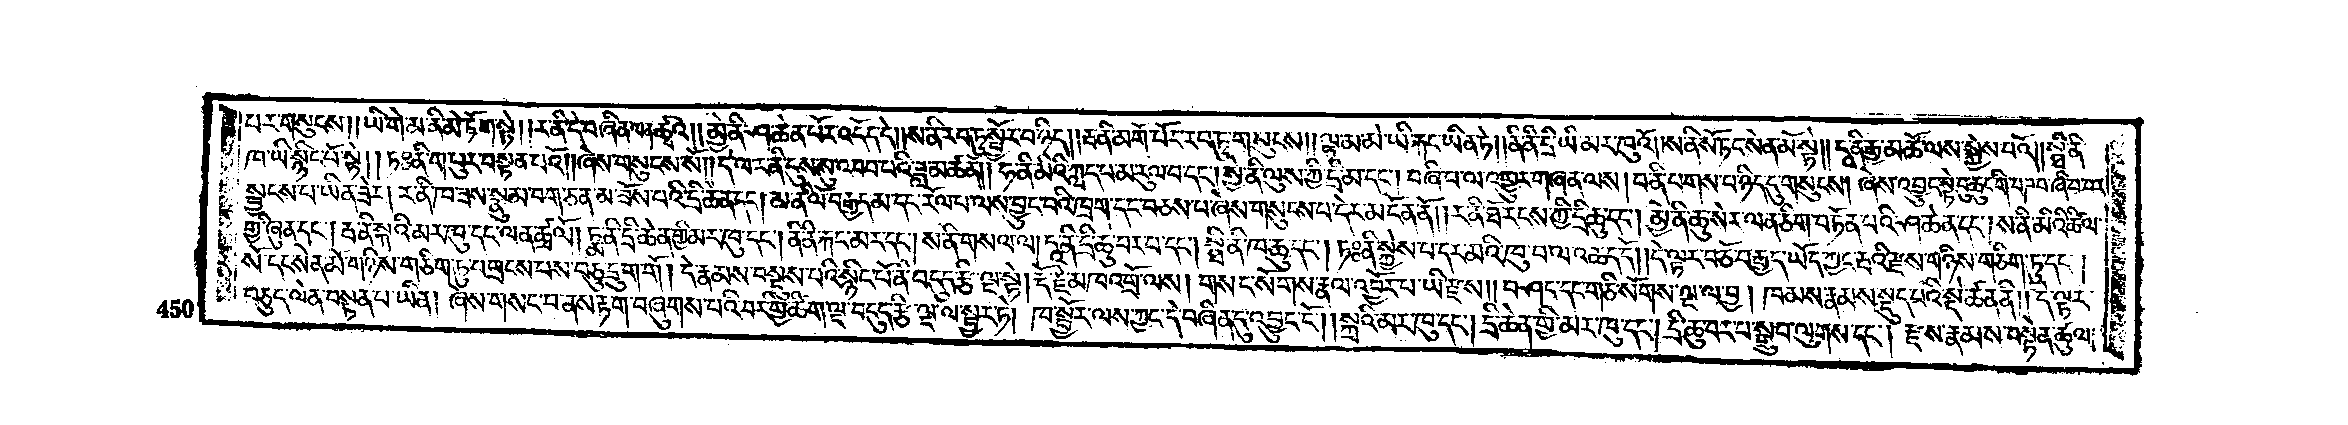པར་གསུངས། །ཡི་གེ་མ་ནི་མེ་ཏོག་སྟེ། །ར་ནི་དེ་བཞིན་ལན་ཚྭའོ། །མྱེ་ནི་ཤ་ཆེན་པོར་འདོད་དེ། །ས་ནི་རབ་ཏུ་སྦྱོར་བ་ཉིད། །རྦ་ནི་མགོ་བོར་རབ་ཏུ་གསུངས། །ལྷ་མོ་མེ་ཡི་རྐང་ཡིན་ཏེ། །ནི་ནི་དྲི་ཡི་མར་ཁུའོ། །ས་ནི་སོ་ཏང་སེན་མོ་སྟེ། །དཱ་ནི་རྒྱ་མཚོ་ལས་སྐྱེས་པའོ། །སྠི་ནི་
ཁ་ཡི་སྙིང་པོ་སྟེ། །ཏཿ ནི་ག་པུར་བསྟན་པའོ། །ཞེས་གསུངས་སོ། །དེ་ལ་ར་ནི་དུས་སུ་འབབ་པའི་ཟླ་མཚན་ནོ། །ཧ་ནི་མིའི་ཀླད་པ་མ་རུལ་བ་དང་། སྱེ་ནི་ལུས་ཀྱི་དྲི་མ་དང་། བཞི་པ་ལ་འགྱུར་གཞན་ལས། བ་ནི་བཀས་པ་ཉིད་དུ་གསུངས། ཞེས་འབྱུང་སྟེ་བུ་ཆུང་གི་པཊ་པ་ཞིབ་བར་
སྦྱངས་པ་ཡིན་ཟེར། ར་ནི་ཁ་ཟས་སྣུམ་བག་ཅན་མ་ཟོས་པའི་དྲི་ཆེན་དང་། མ་ནི་ལོ་བརྒྱད་མ་དང་རོལ་པ་ལས་བྱུང་བའི་ཁྲག་དང་བཅས་པ་ཞེས་གསུངས་པ་དེར་མངོན་ནོ། །ར་ནི་ཐོ་རངས་ཀྱི་དྲི་ཆུ་དང་། མྱེ་ནི་ཆུ་སེར་ལན་ཅིག་བཏོན་པའི་ཤ་ཆེན་དང་། ས་ནི་མིའི་ཚིལ་
གྱི་ཞུན་དང་། རྦ་ནི་སྐའི་མར་ཁུ་དང་ལན་ཚྭའོ། །ཏྨ་ནི་དྲི་ཆེན་གྱི་མར་ཁུ་དང་། ནི་ནི་རྐང་མར་དང་། ས་ནི་གསལ་ལ། དཱ་ནི་དྲི་ཆུ་བར་པ་དང་། སྠི་ནི་ཁ་ཆུ་དང་། ཏཿ ནི་སྐྱེས་པ་དར་མའི་ཁུ་བ་ལ་འཆད་དོ། །དེ་ལྟར་བཅོ་བརྒྱད་ཡོད་ཀྱང་རྦའི་རྫས་གཉིས་གཅིག་ཏུ་དང་།
སོ་དང་སེན་མོ་གཉིས་གཅིག་ཏུ་བགྲངས་པས་བཅུ་དྲུག་གོ །དེ་རྣམས་བསྡུས་པའི་སྙིང་པོ་ནི་བདུད་རྩི་ལྔ་སྟེ། རྡོ་རྗེ་མཁའ་འགྲོ་ལས། གསང་སོགས་རྣལ་འབྱོར་པ་ཡི་རྫས། །བཤད་དང་གཅི་སོགས་ལྔ་ལ་བྱ། ཁམས་རྣམས་སྡུད་པའི་སྡེ་ཚན་ནི། །དེ་ལྟར་
བཅུད་ལེན་བསྟན་པ་ཡིན། ཞེས་གསང་བ་ནས་རྟག་བཞུགས་པའི་བར་གྱི་ཚིག་ལྔ་བདུད་རྩི་ལྔ་ལ་སྦྱར་ཏེ། ཁ་སྦྱོར་ལས་ཀྱང་དེ་བཞིན་དུ་འབྱུང་ངོ། །སྐྲའི་མར་ཁུ་དང་། དྲི་ཆེན་གྱི་མར་ཁུ་དང་། དྲི་ཆུ་བར་པ་སྒྲུབ་ལུགས་དང་། རྫས་རྣམས་བསྟེན་ཚུལ་